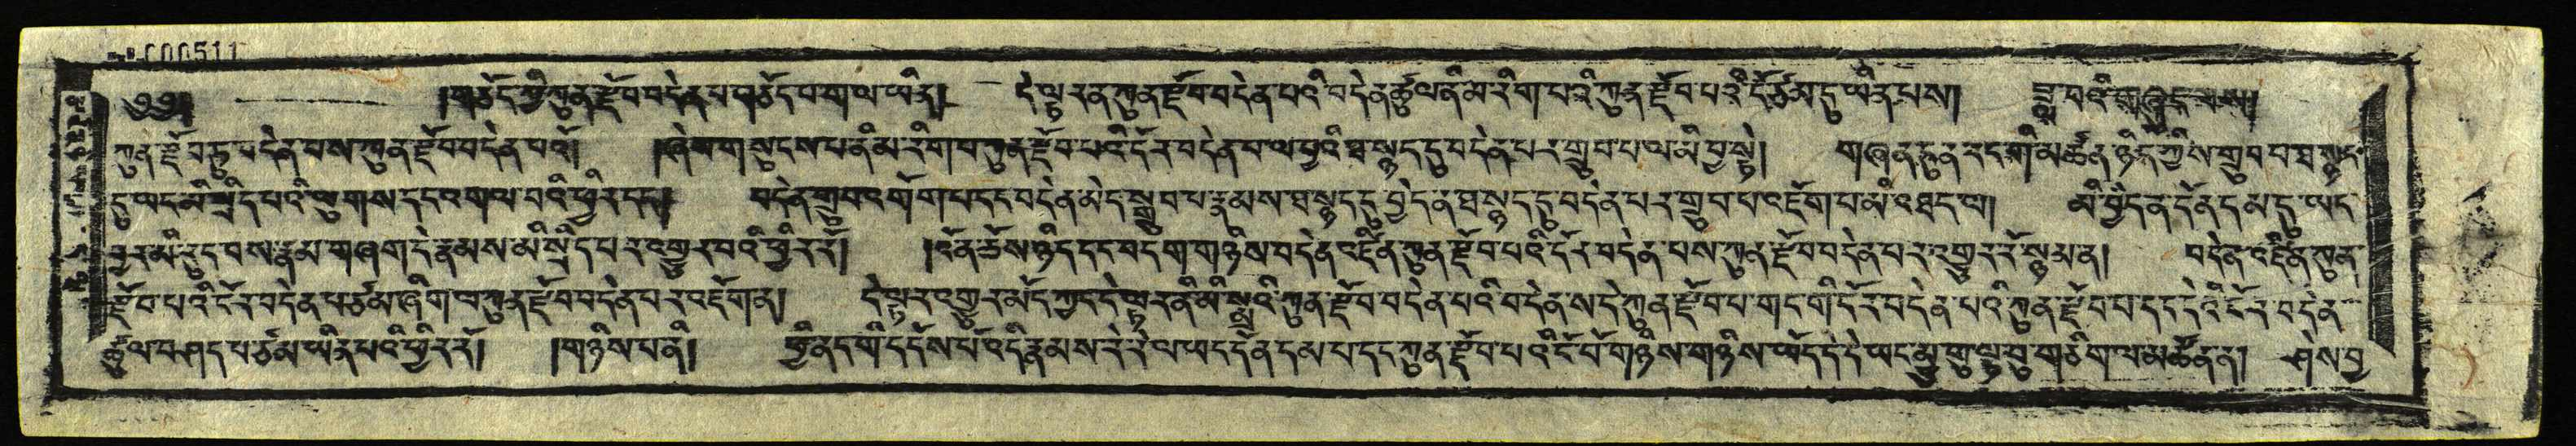༄༅། །གཅོད་ཀྱི་ཀུན་རྫོབ་བདེན་པ་གཅོད་པ་ག་ལ་ཡིན། དེ་ལྟར་ན་ཀུན་རྫོབ་བདེན་པའི་བདེན་ཚུལ་ནི་མ་རིག་པའི་ཀུན་རྫོབ་པའི་ངོ་ཙམ་དུ་ཡིན་པས། ཟླ་བའི་གཞུང་ལས།
ཀུན་རྫོབ་ཏུ་བདེན་པས་ཀུན་རྫོབ་བདེན་པའོ། །ཞེས་གསུངས་པ་ནི་མ་རིག་པ་ཀུན་རྫོབ་པའི་ངོར་བདེན་པ་ལ་བྱའི་ཐ་སྙད་དུ་བདེན་པར་གྲུབ་པ་ལ་མི་བྱ་སྟེ། གཞན་དུ་ན་རང་གི་མཚན་ཉིད་ཀྱིས་གྲུབ་པ་ཐ་སྙད་
དུ་ཡང་མི་སྲིད་པའི་ལུགས་དང་འགལ་བའི་ཕྱིར་དང་། བདེན་གྲུབ་འགོག་པ་དང་བདེན་མེད་སྒྲུབ་པ་རྣམས་ཐ་སྙད་དུ་བྱེད་ན་ཐ་སྙད་དུ་བདེན་པར་གྲུབ་པ་འཇོག་པ་མི་འཐད་ལ། མི་བྱེད་ན་དོན་དམ་དུ་ཡང་
བྱར་མི་རུང་བས་རྣམ་གཞག་དེ་རྣམས་མི་སྲིད་པར་འགྱུར་བའི་ཕྱིར་རོ། །འོ་ན་ཆོས་ཉིད་དང་བདག་གཉིས་བདེན་འཛིན་ཀུན་རྫོབ་པའི་ངོར་བདེན་པས་ཀུན་རྫོབ་བདེན་པར་འགྱུར་རོ་སྙམ་ན། བདེན་འཛིན་ཀུན་
རྫོབ་པའི་ངོར་བདེན་པ་ཙམ་ཞིག་ལ་ཀུན་རྫོབ་བདེན་པར་འཇོག་ན། དེ་ལྟར་འགྱུར་མོད་ཀྱང་དེ་ལྟར་ནི་མི་སྨྲའི་ཀུན་རྫོབ་བདེན་པའི་བདེན་ས་དེ་ཀུན་རྫོབ་པ་གང་གི་ངོར་བདེན་པའི་ཀུན་རྫོབ་པ་དང་དེའི་ངོར་བདེན་
ཚུལ་བཤད་པ་ཙམ་ཡིན་པའི་ཕྱིར་རོ། །གཉིས་པ་ནི། ཕྱི་ནང་གི་དངོས་པོ་འདི་རྣམས་རེ་རེ་ལ་ཡང་དོན་དམ་པ་དང་ཀུན་རྫོབ་པའི་ངོ་བོ་གཉིས་གཉིས་ཡོད་དེ་དེ་ཡང་མྱུ་གུ་ལྟ་བུ་གཅིག་ལ་མཚོན་ན། ཤེས་བྱ་